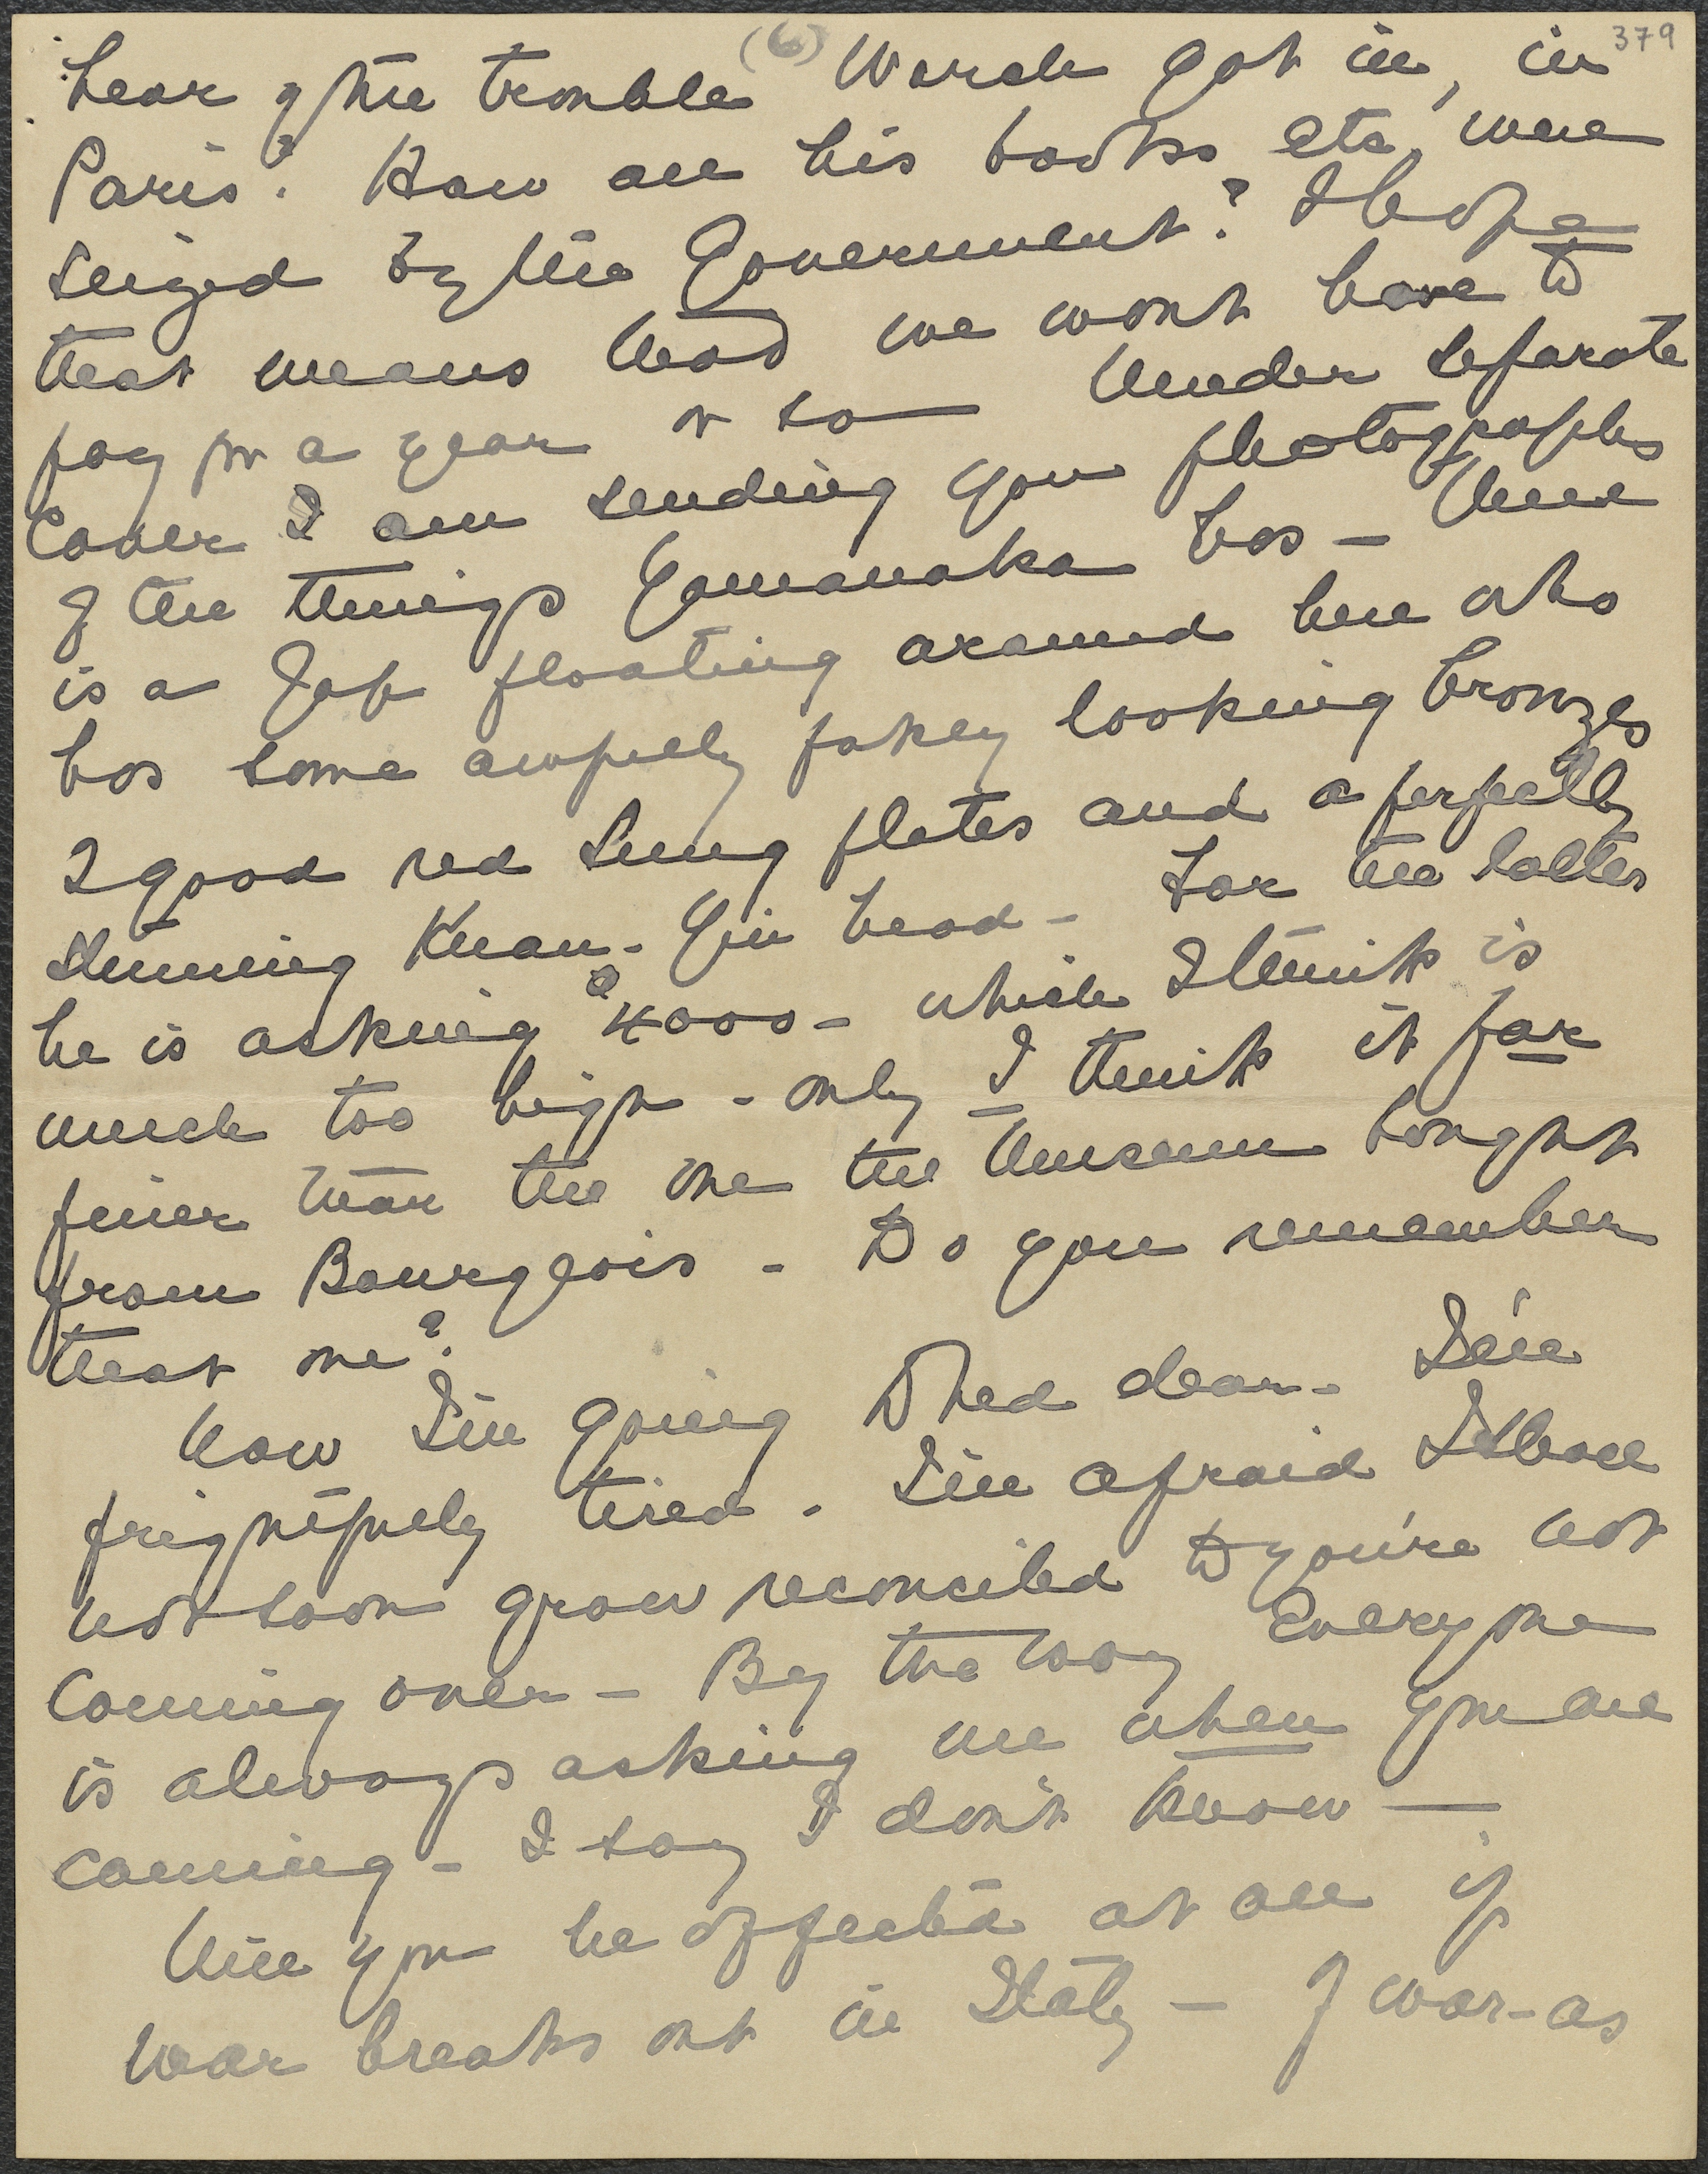(6)
hear of the trouble Worch got in, in Paris? How all his books etc were seized by the Government? I hope that means that we wont have to pay for a year or so – Under separate cover I am sending you photographs of the things Yamanaka has – There is a Jap floating around here who has some awfully fakey looking bronzes 2 good red Sung plates and a perfectly stunning Kuan-Yin head – For the latter he is asking $4000 – which I think is much too high – only I think it far finer than the one the Museum bought from Bourgeois – Do you remember that one?
Now I’m going to bed dear – I’m frightfully tired – I’m afraid I shall not soon grow reconciled to you’re [sic] not coming over – By the way everyone is always asking me when you are coming – I say I don’t know –
Will you be affected at all if war breaks out in Italy – of war – as